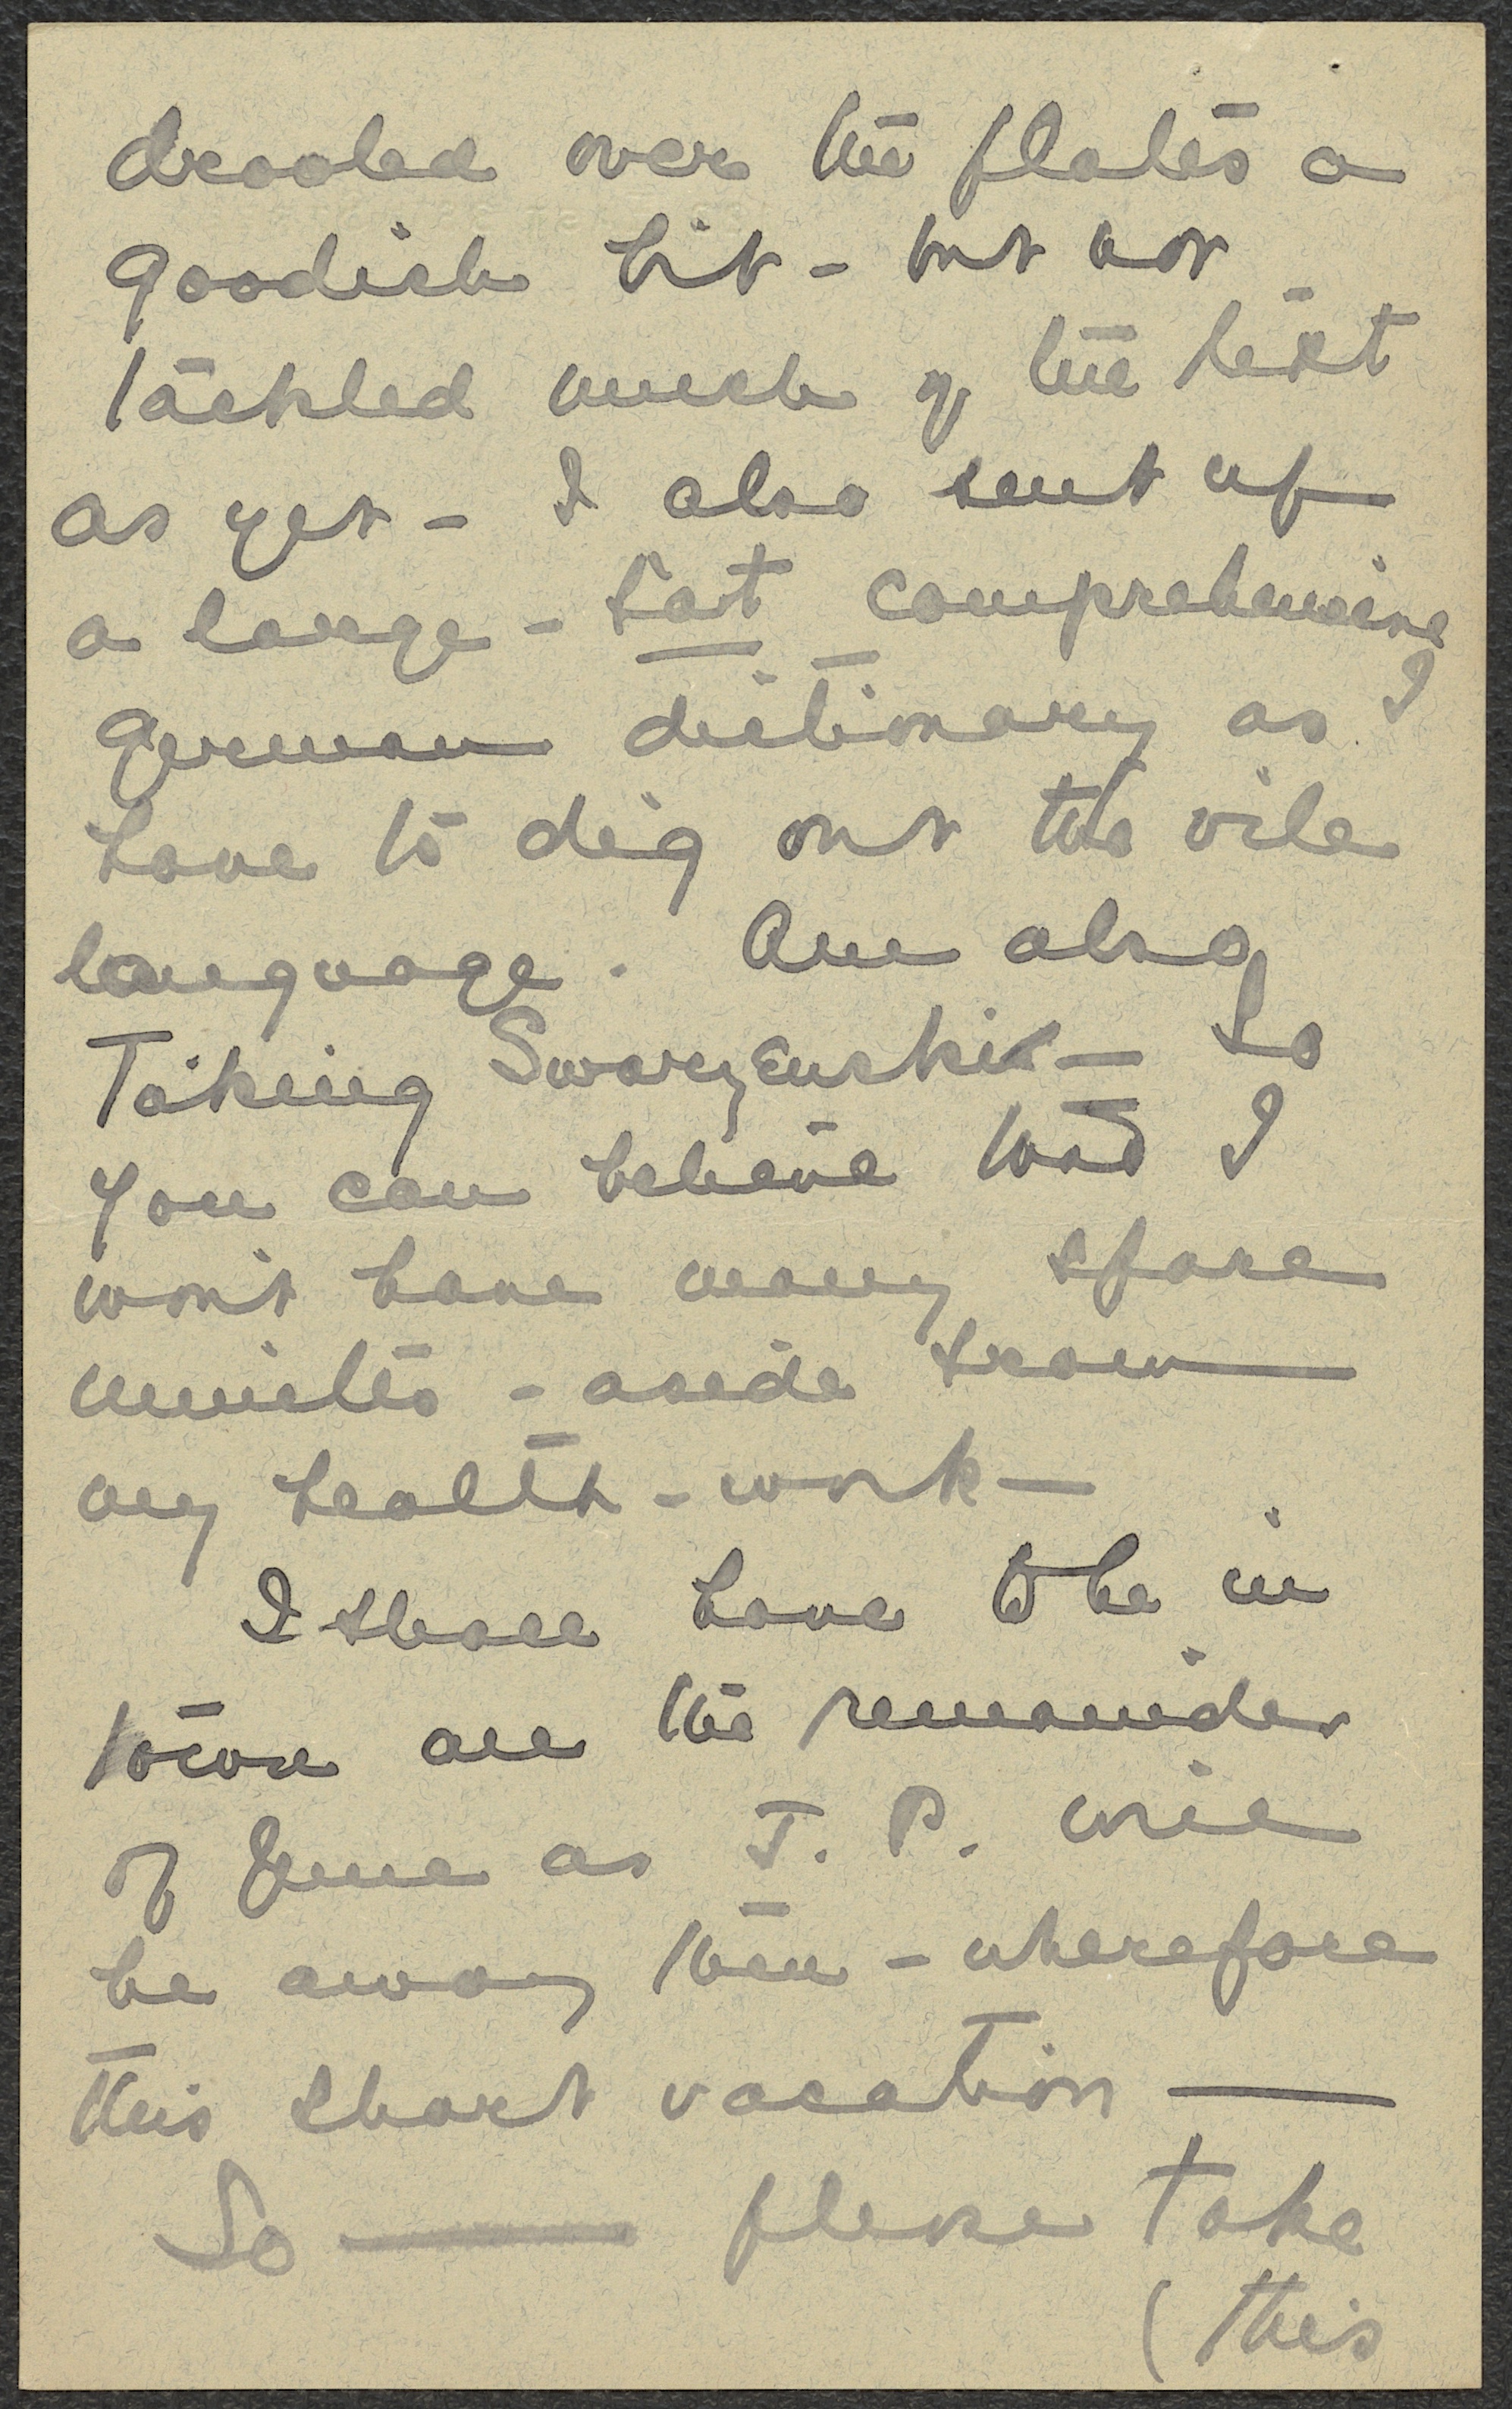drooled over the plates a goodish bit – but not tackled much of the text as yet – I also sent up a large – fat comprehensive German dictionary as I have to dig out the vile language – Am also Taking Swarzenski – so you can believe that I won’t have many spare minutes – aside from my health-work –
I shall have to be in town all the remainder of June as J. P. will be away then – wherefore this short vacation – So – please take (this